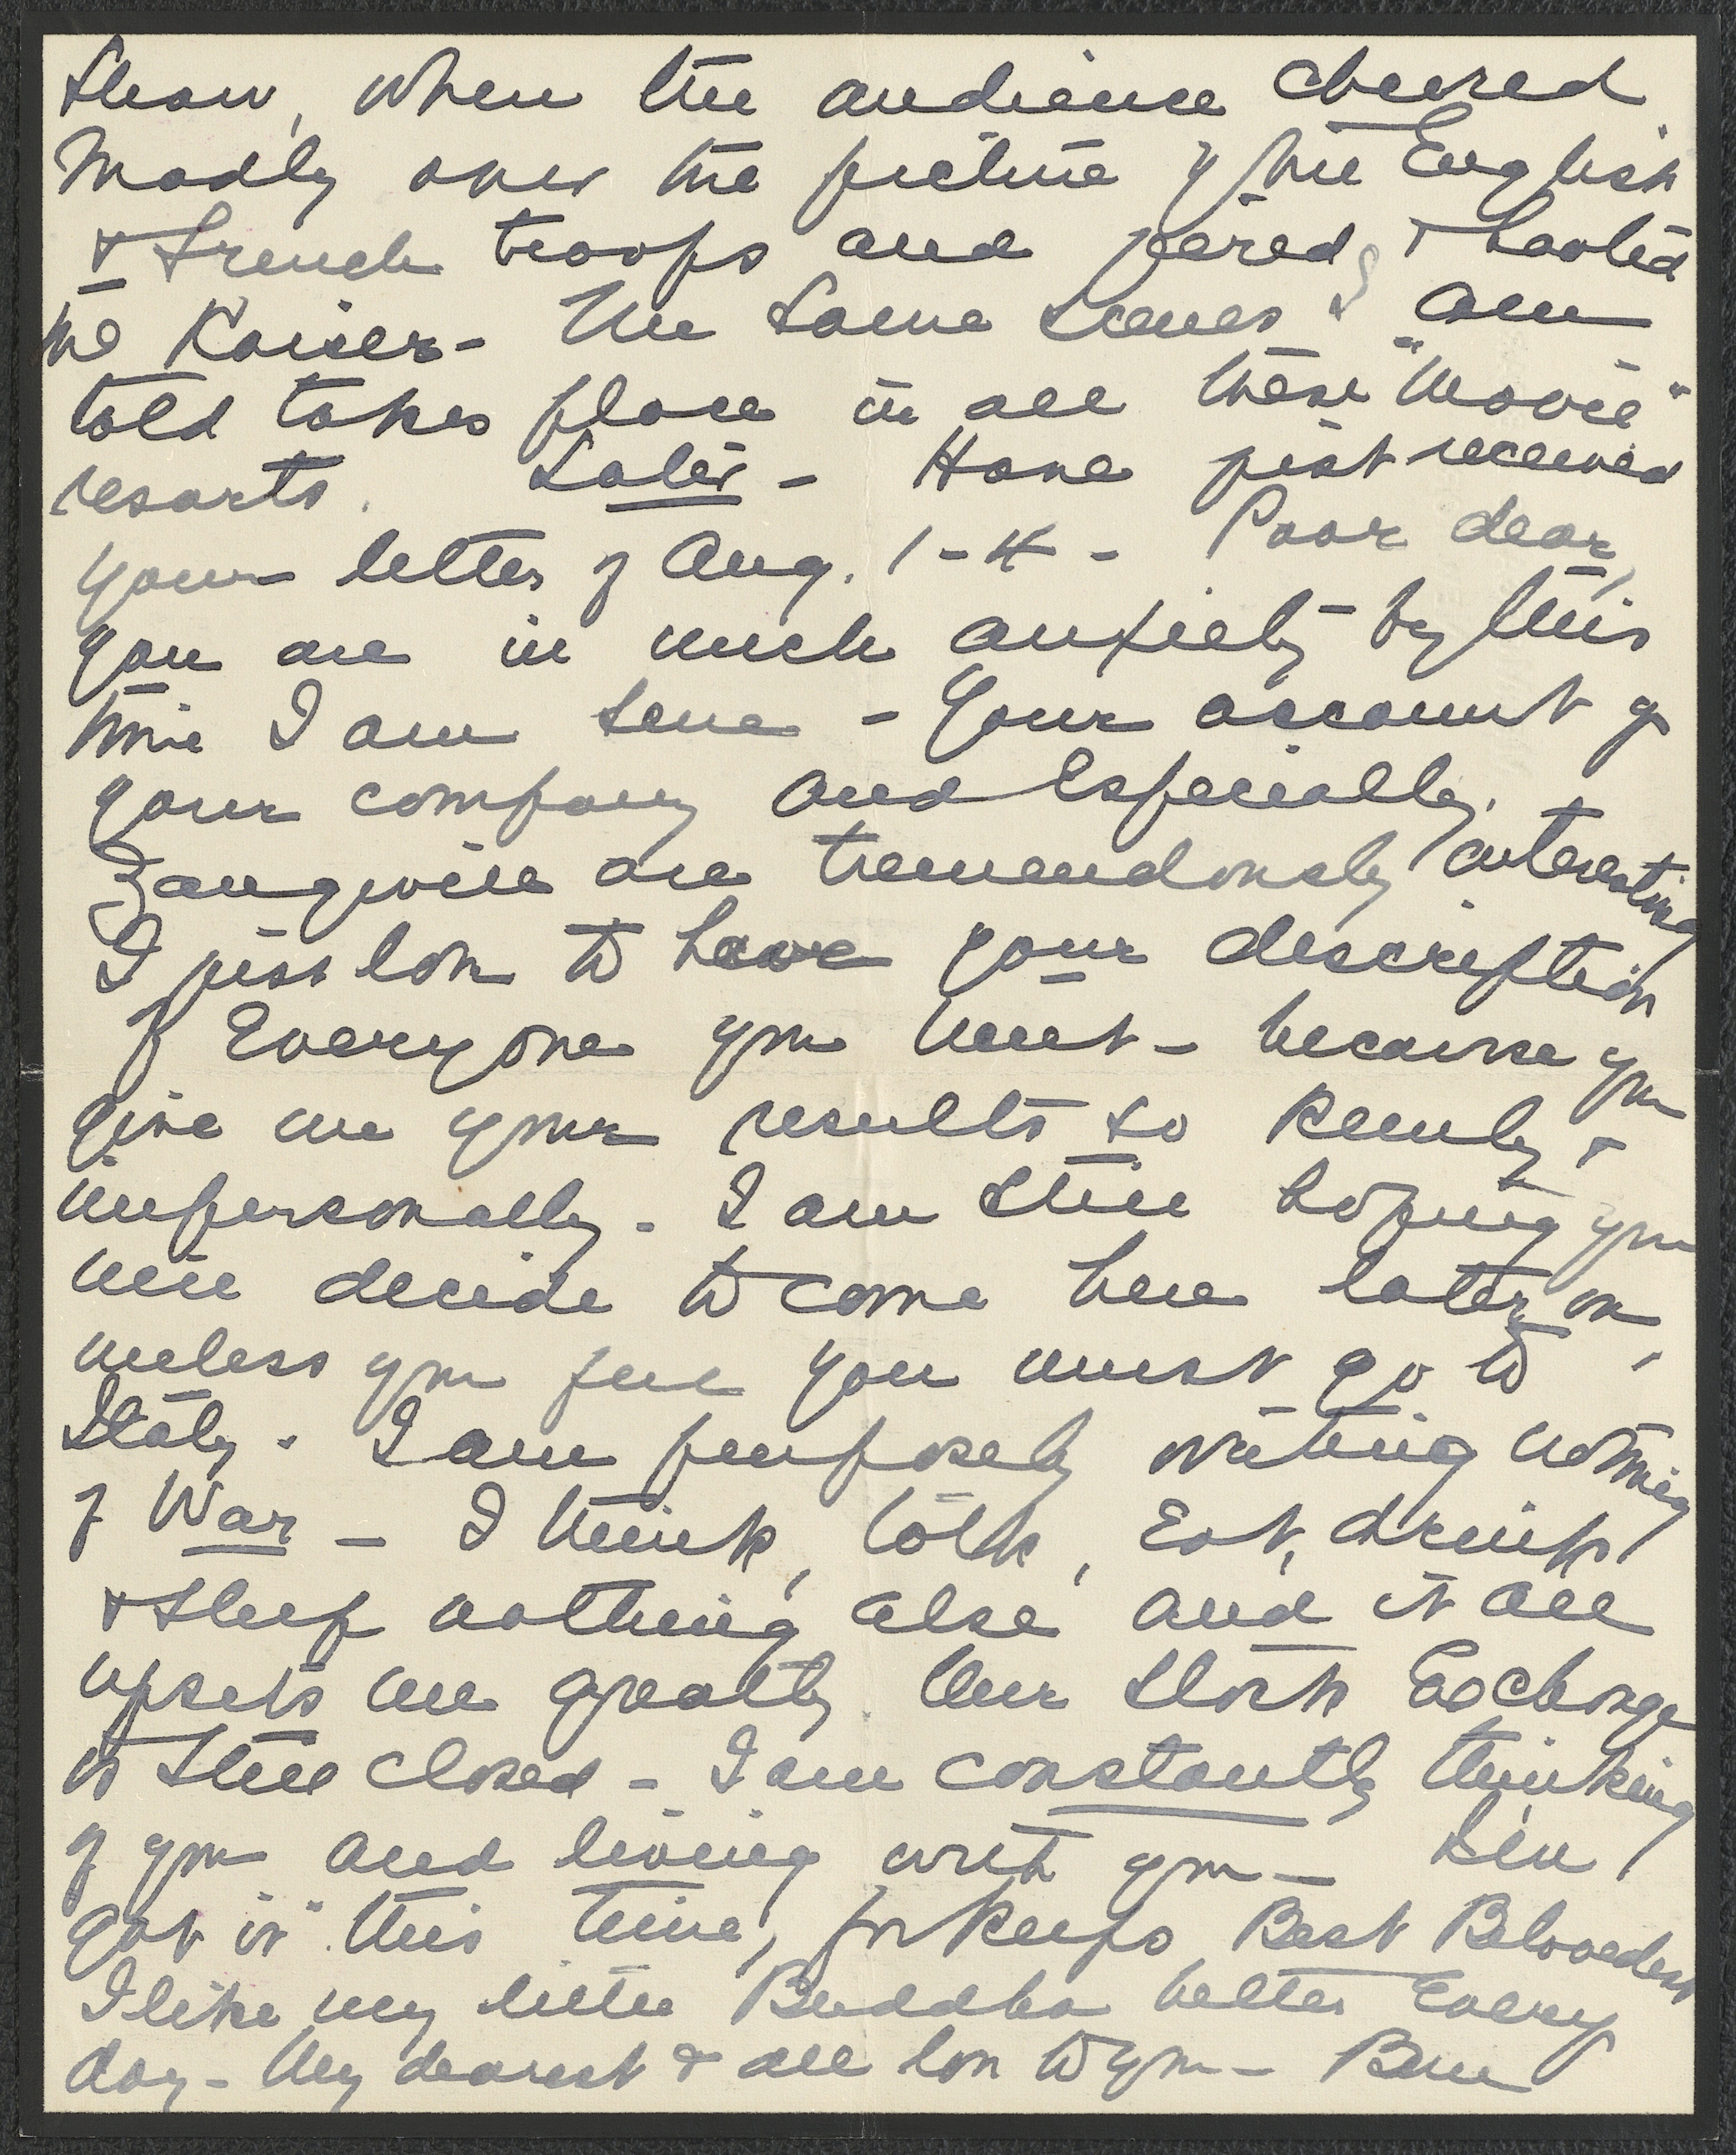show, when the audience cheered madly over the picture of the English & French troops and jeered & hooted the Kaiser – The same scenes I am told takes [sic] place in all these "movie" resorts. Later – Have just received your letter of Aug. 1–4 – Poor dear, you are in much anxiety by this time I am sure – Your account of your company and especially Zangwill are tremendously interesting I just love to have your description of everyone you meet – because you give me your results so keenly & impersonally – I am still hoping you will decide to come here later on unless you feel you must go to Italy. I am purposely writing nothing of War – I think, talk, eat, drink & sleep nothing else and it all upsets me greatly. Our Stock Exchange is still closed – I am constantly thinking of you and living with you – I've got it this time, for keeps Best Belovedest I like my little Buddha better every day – My dearest & all love to you – Belle